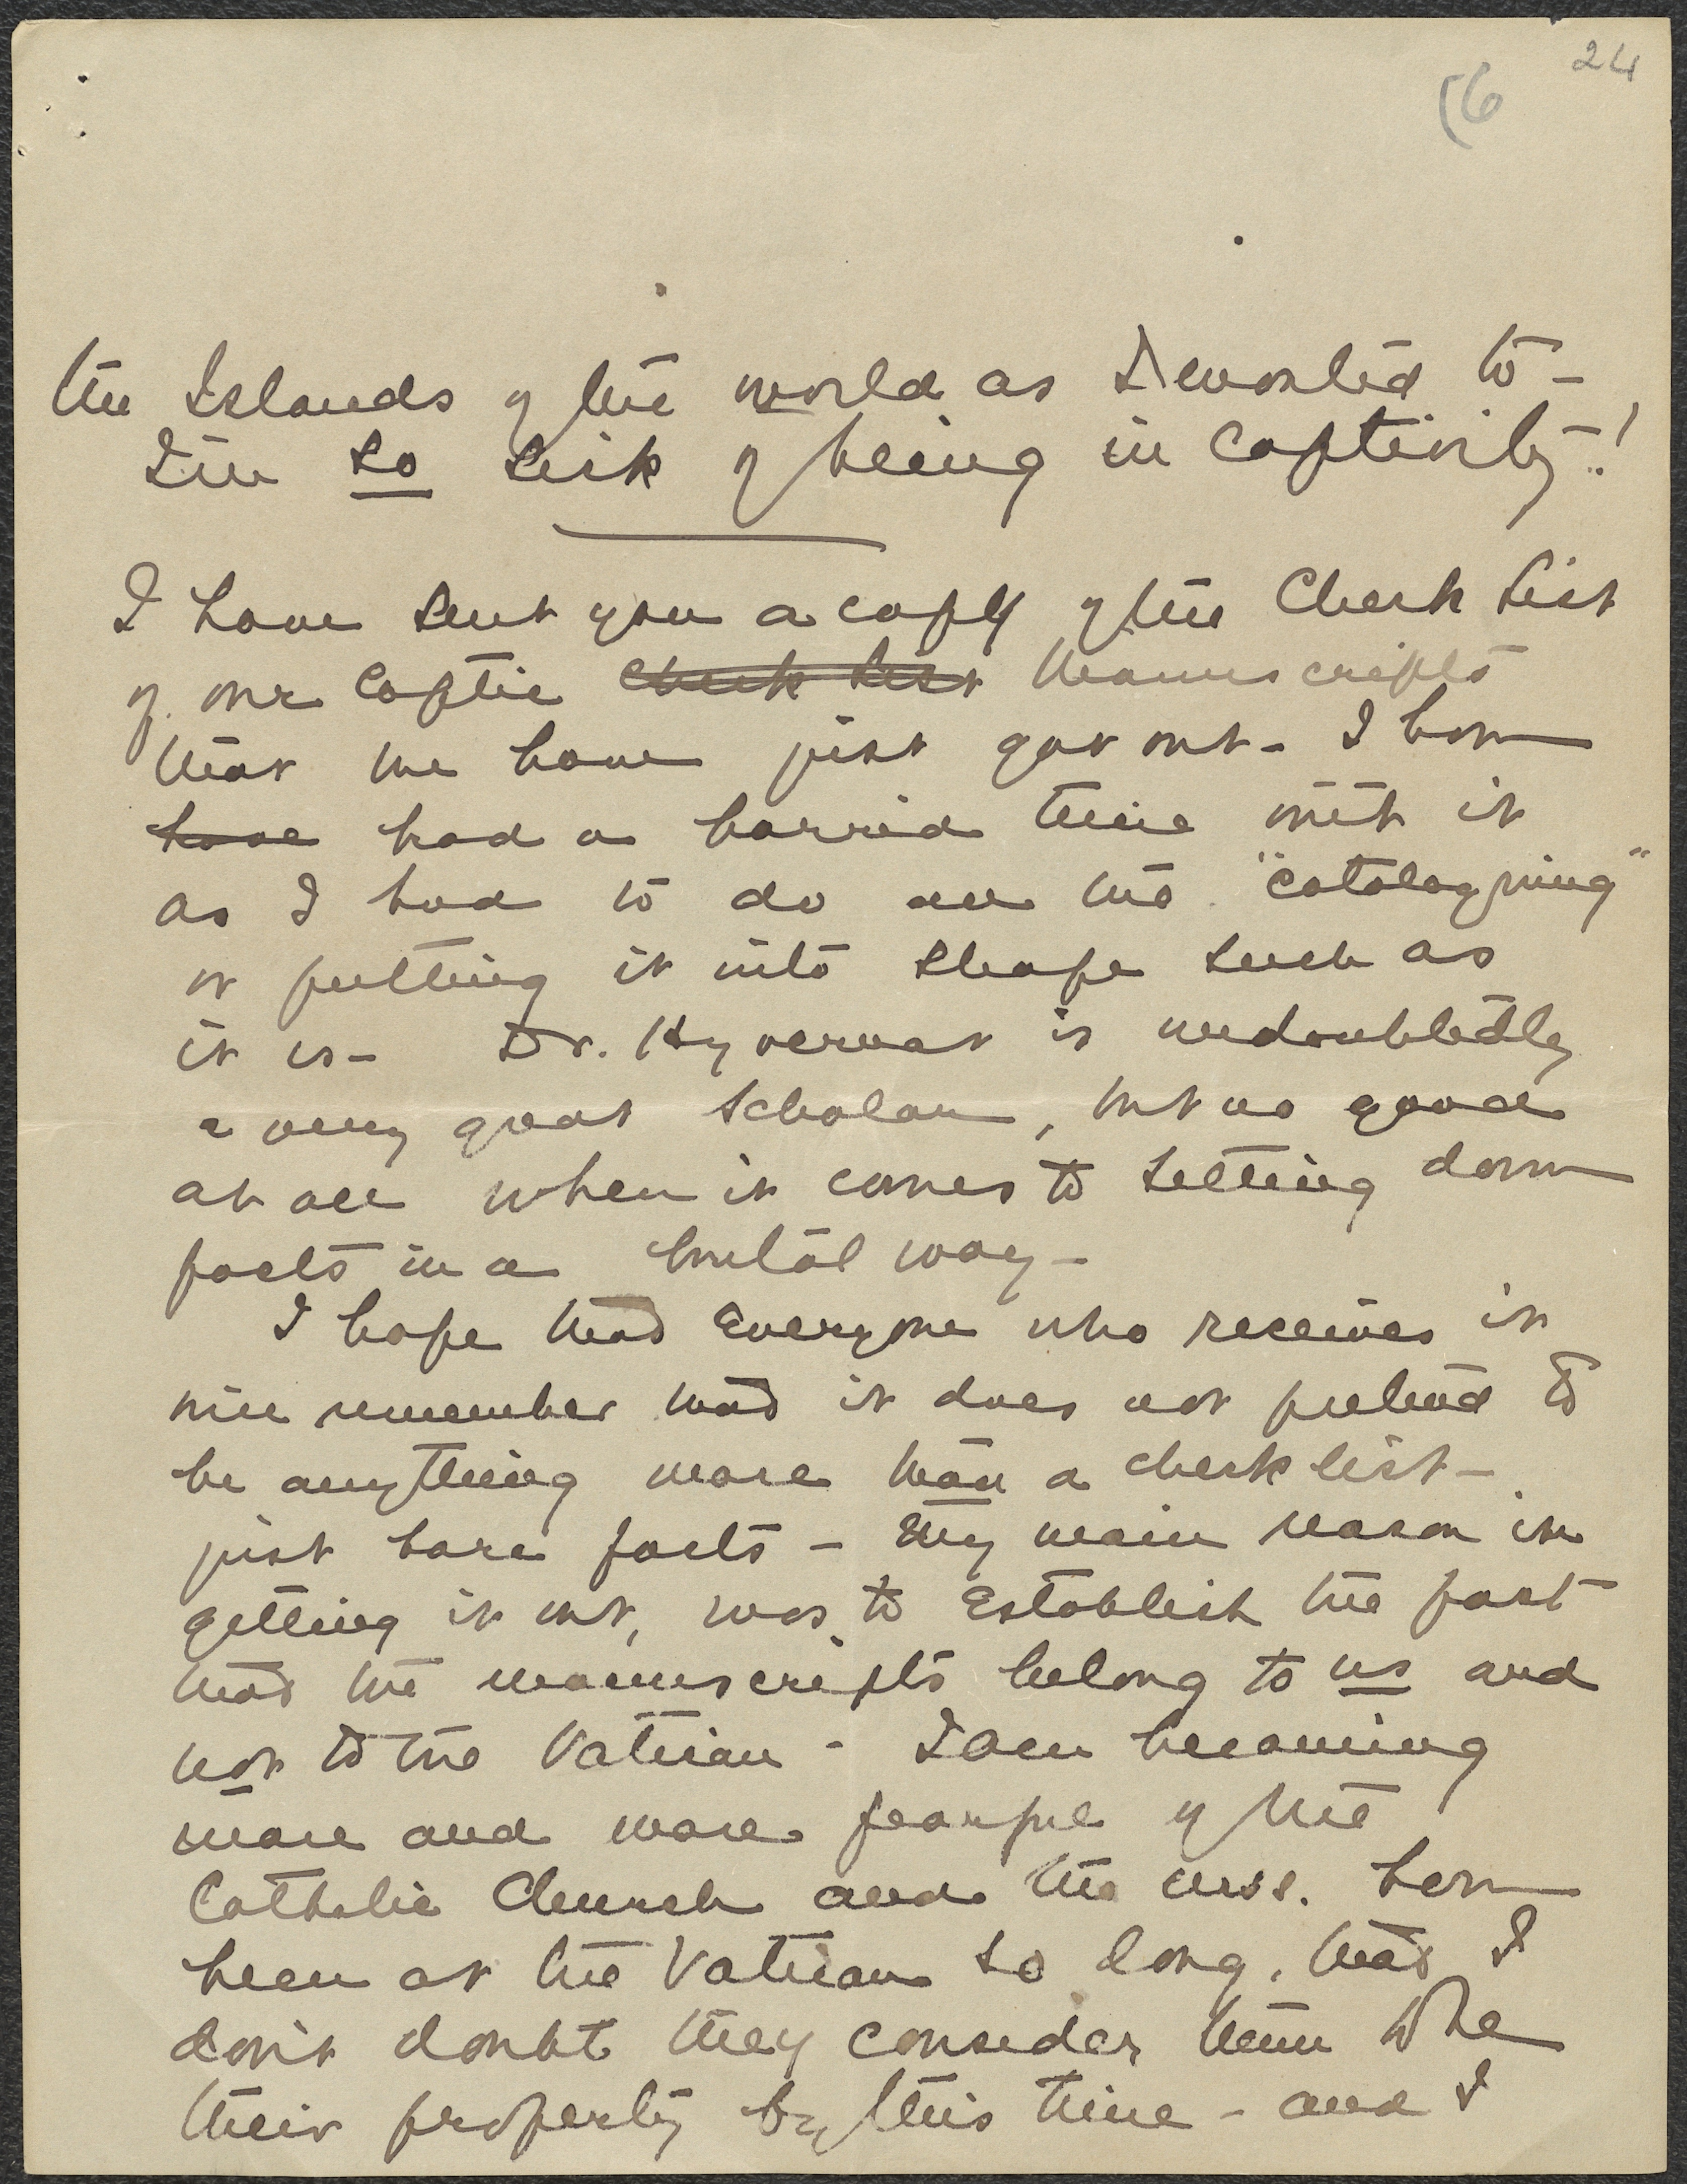the Islands of the world as I wanted to – I'm so sick of being in captivity – !
I have sent you a copy of the Checklist of our Coptic check list Manuscripts that we have just got out – I have have had a horrid time with it as I had to do all the "cataloguing" or putting it into shape such as it is – Dr. Hyvernat is undoubtedly a very great scholar, but no good at all when it comes to setting down facts in a brutal way –
I hope that everyone who receives it will remember that it does not pretend to be anything more than a check list – just bare facts – My main reason in getting it out, was to establish the fact that the manuscripts belong to us and not to the Vatican – I am becoming more and more fearful of the Catholic Church and the MSS. have been at the Vatican so long, that I don't doubt they consider them to be their property by this time – and I